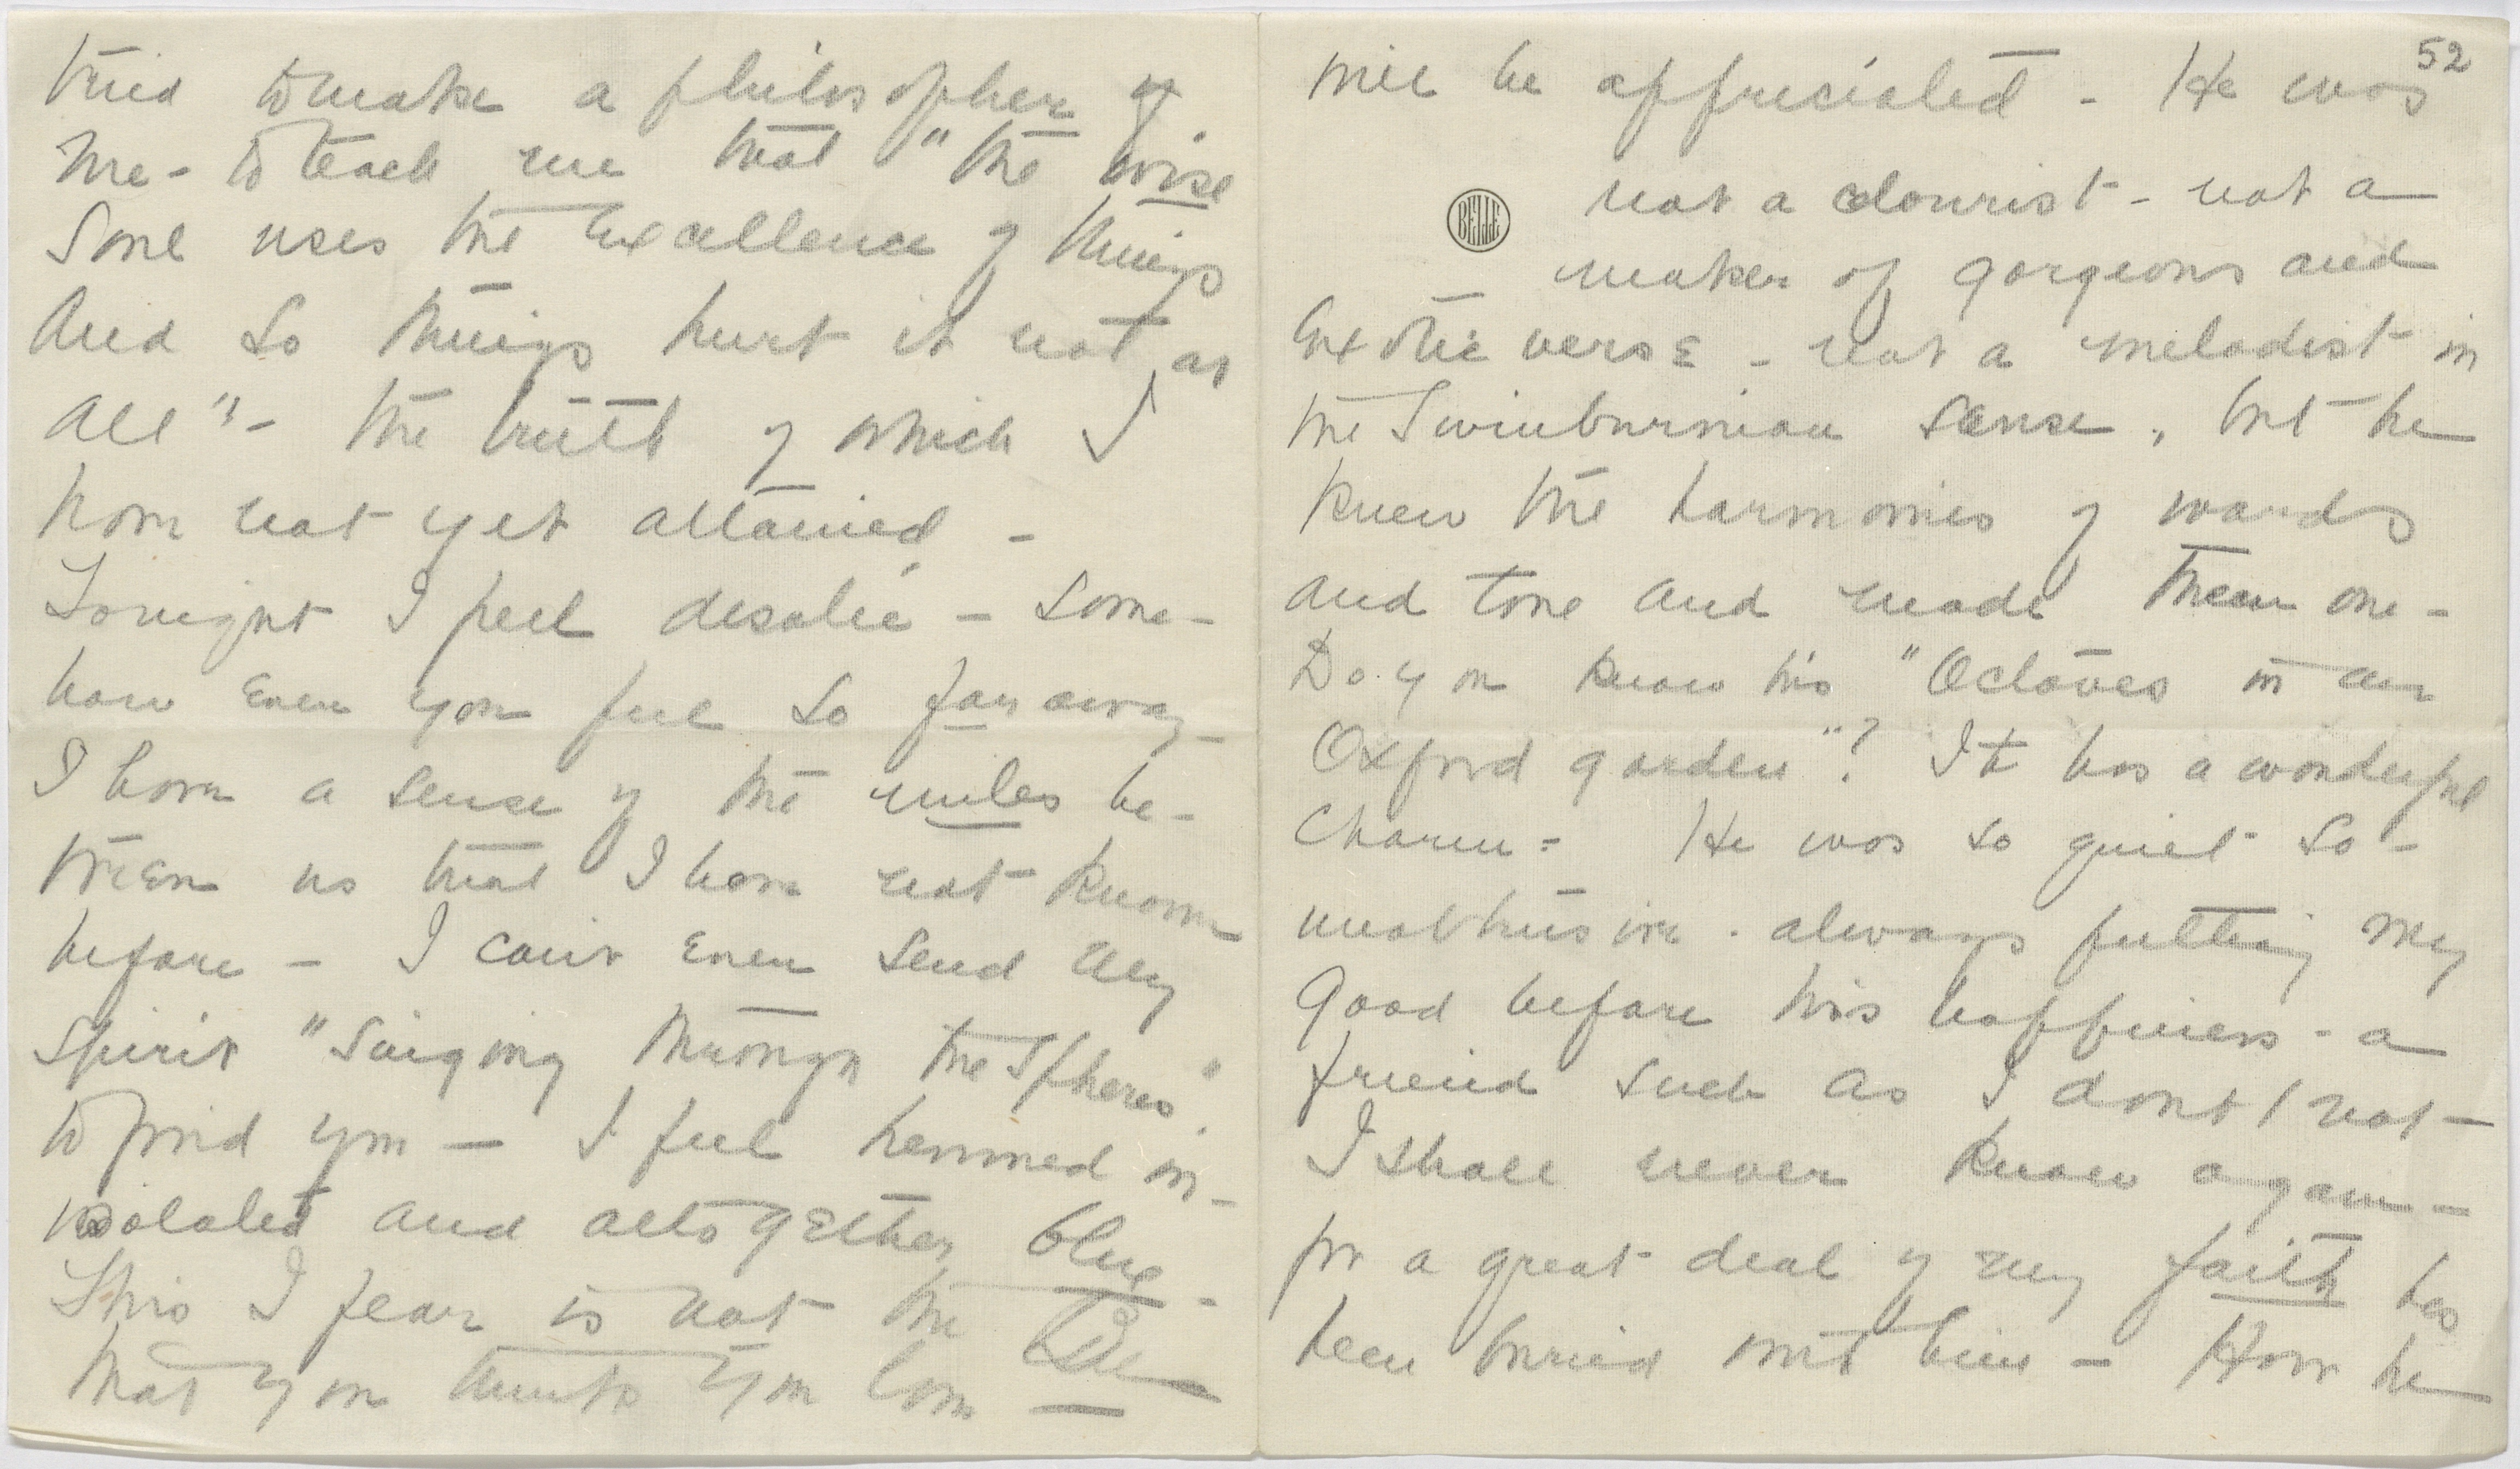will be appreciated – He was not a colourist – not a maker of gorgeous and exotic verse – not a melodist in the Swinburnian sense, but he knew the harmonies of words and tone and made them one – Do you know his “Octaves in an Oxford garden”? It has a wonderful charm – He was so quiet so unobtrusive – always putting my good before his happiness – a friend such as I doubt not I shall never know again – for a great deal of my faith has been buried with him – How he
tried to make a philosopher of me – to teach me that “the wise soul uses the excellence of things and so things hurt it not at all” – the truth of which I have not yet attained –
Tonight I feel desolée – some-how even you feel so far away – I have a sense of the miles between us that I have not known before – I can’t even send my spirit “singing through the spheres” to find you – I feel hemmed in – isolated and altogether blue – This I fear is not one that you think you love – Belle